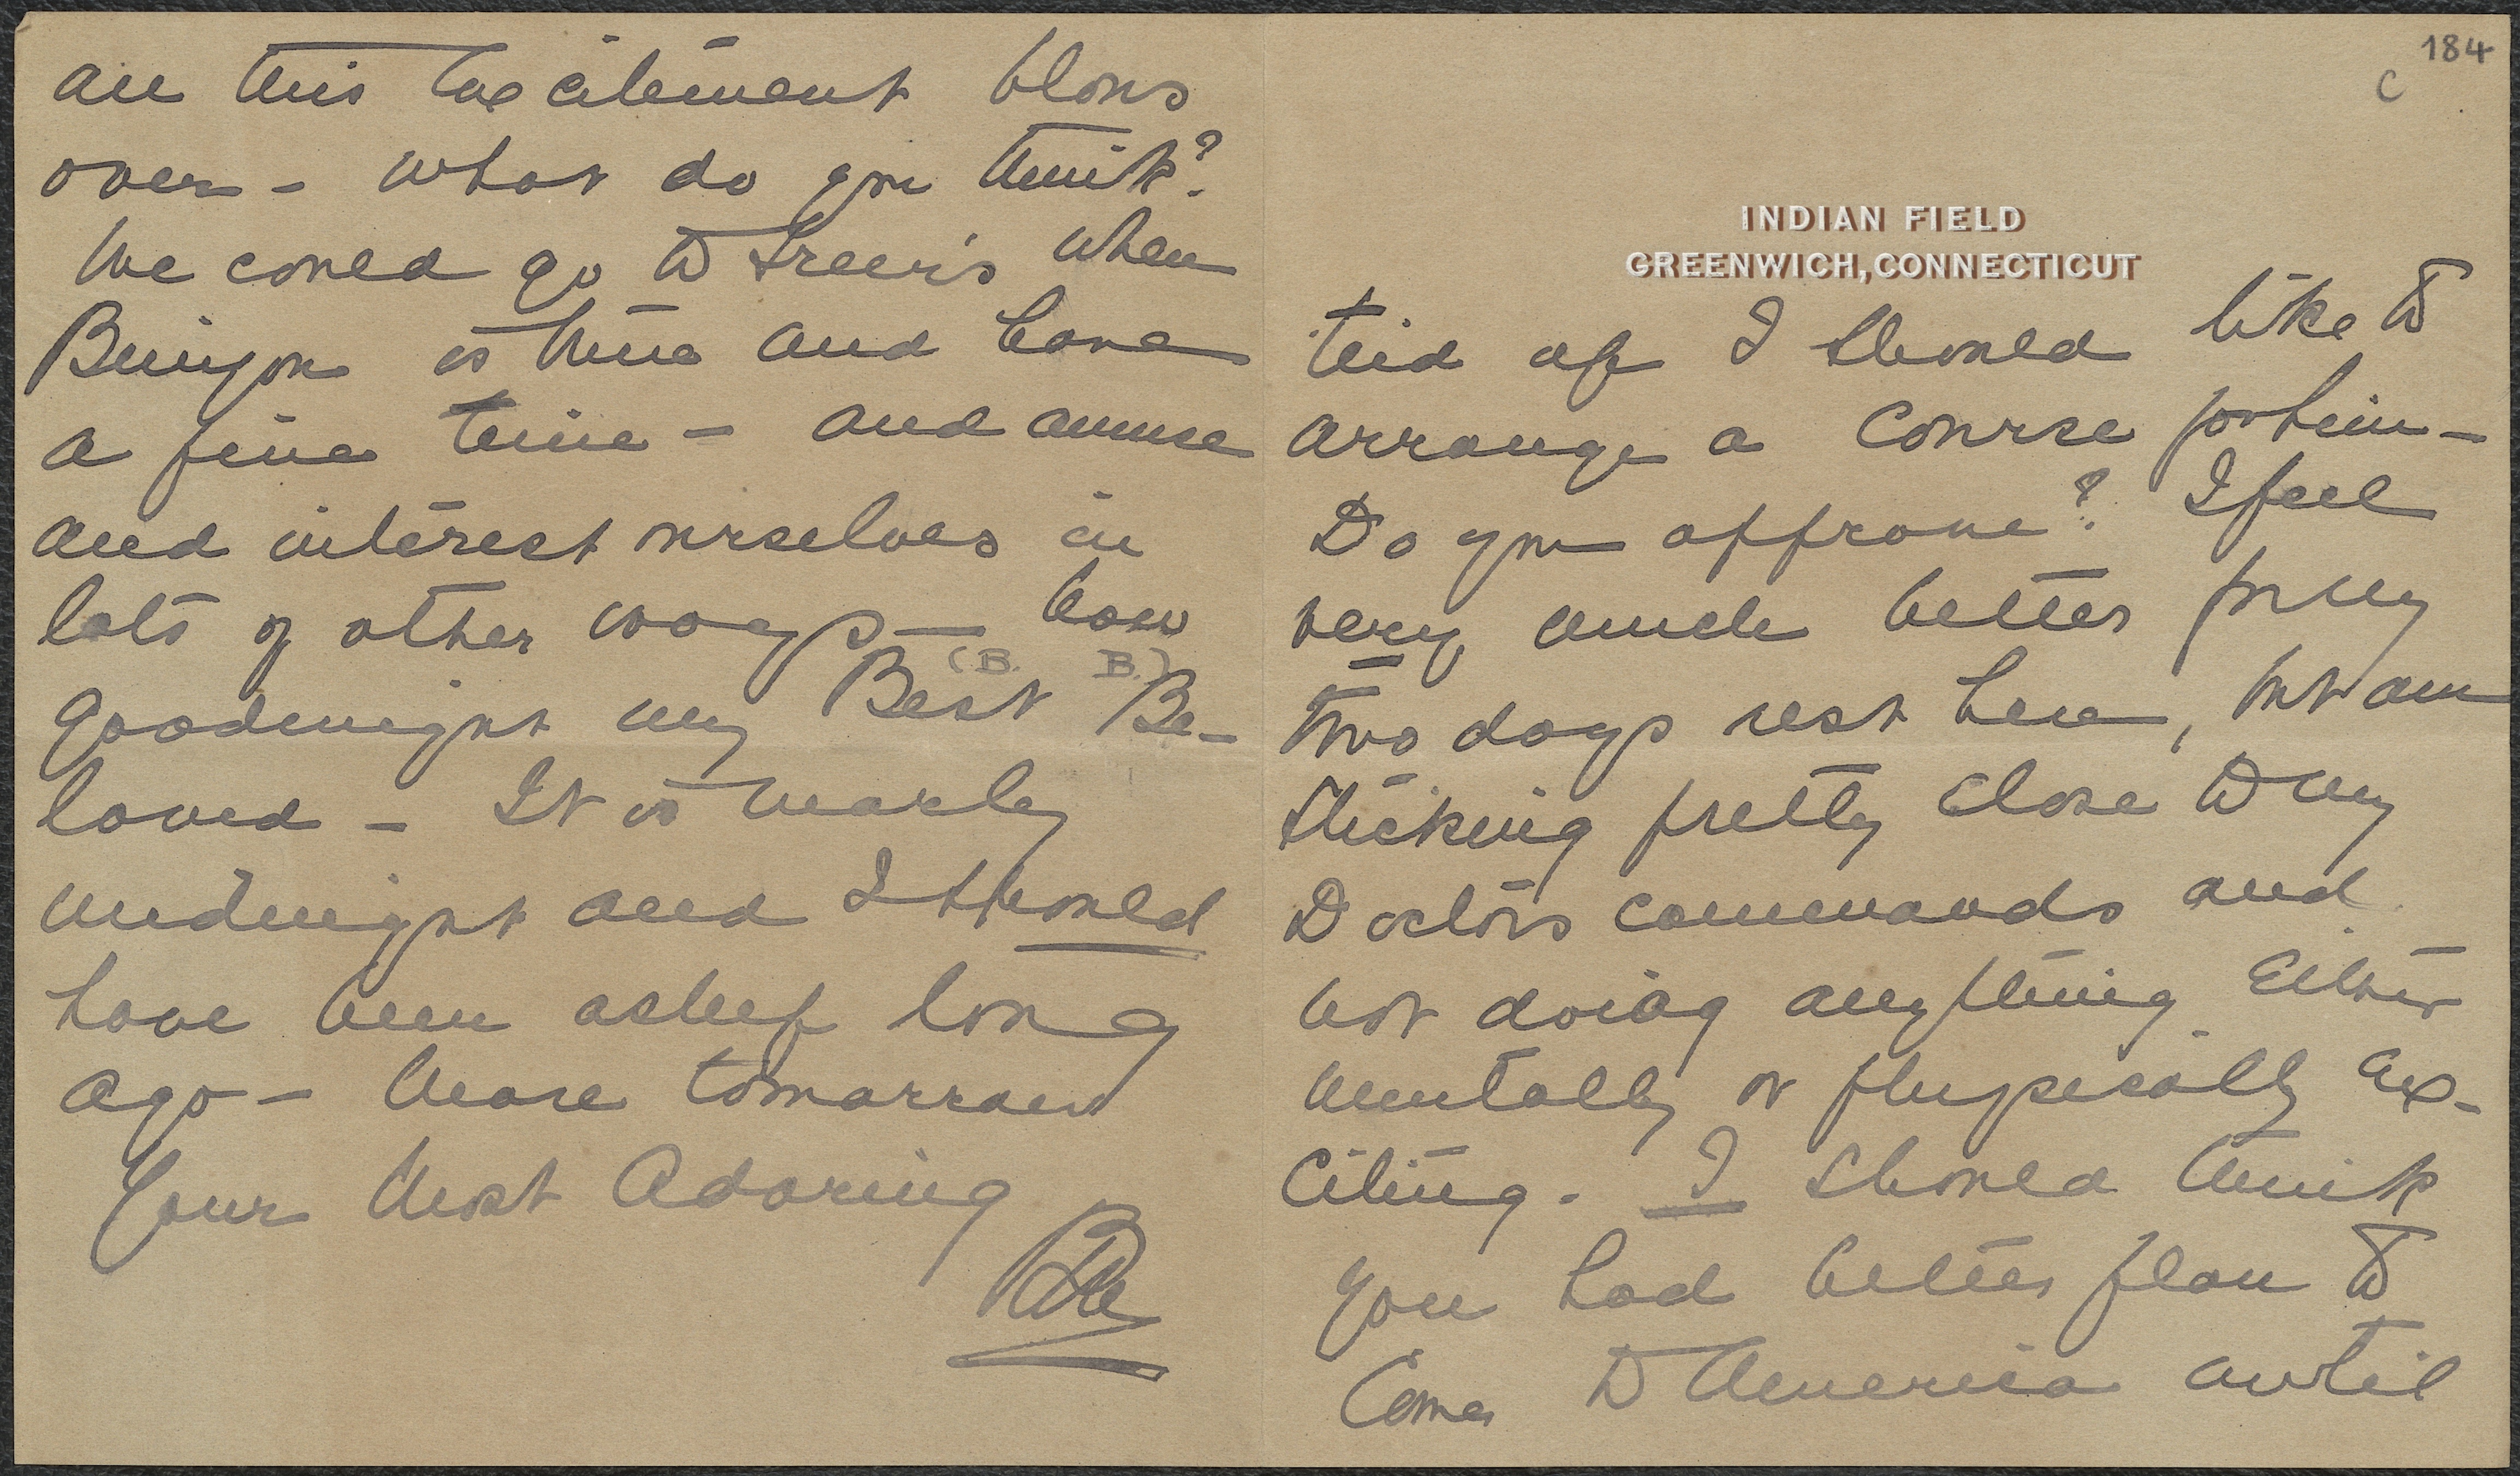tied up I should like to arrange a course for him – Do you approve? I feel very much better for my two days rest here, but am sticking pretty close to my Doctor’s commands and not doing anything either mentally or physically exciting. I should think you had better plan to come to America until
all this excitement blows over – what do you think? We could go to Freer’s when Binyon is there and have a fine time – and amuse and interest ourselves in lots of other ways – Now goodnight my Best Beloved [^(B.B.)^] – It is nearly midnight and I should had been asleep long ago – More tomorrow
Your Most Adoring
Belle